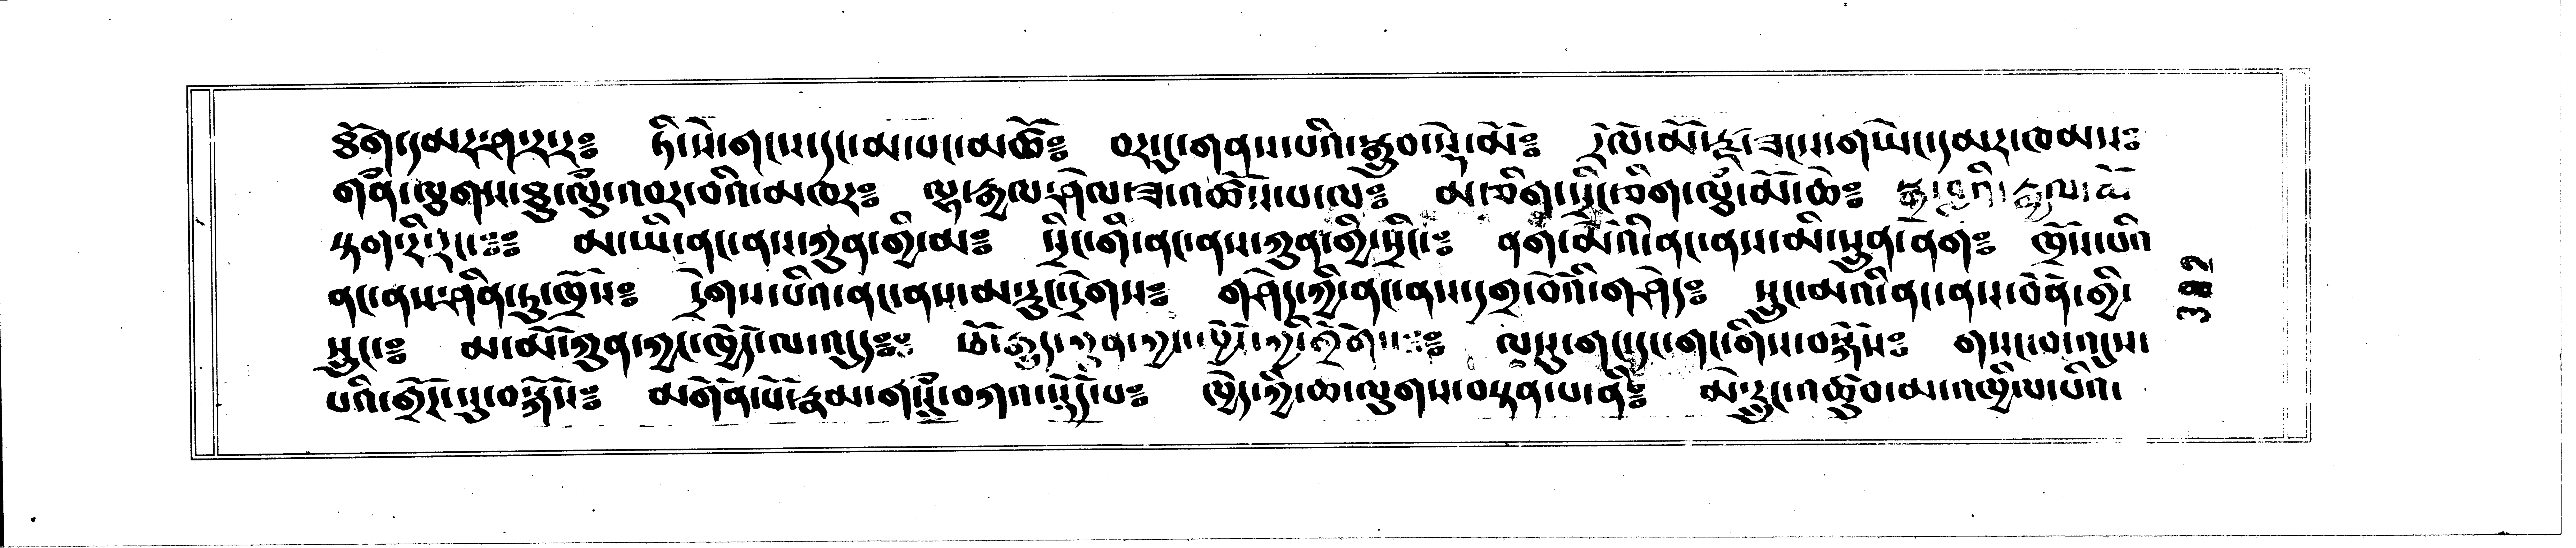ཐོག་དམར་ཤ་ར་ར༔ ཏི་སེ་གངས་དང་མ་པང་མཚོ༔ བར་དུ་གནས་པའི་སྒྲུབ་སྡེ་མོ༔ རོལ་མོ་རྫ་ཟངས་གཡེང་དམར་ཁམས༔
 གནམ་ལྕགས་ཐུ་ལུམ་འབར་བའི་མཁར༔ ལྷ་རྒྱལ་ཤེལ་ཟ་འཚོས་པ་ལ༔ མ་ཅིག་སྲིང་ཅིག་ལྕམ་མོ་ཆེ༔ སྒྲ་བླའི་རྒྱལ་མོ་
སྟག་རི་རོང་༔༔ མ་ཡི་ནང་ནས་ཀུན་གྱི་མ༔ སྲིང་གི་ནང་ནས་ཀུན་གྱི་སྲིང་༔ ནག་མོའི་ནང་ནས་མི་སྲུན་ནག༔ ཁྲོས་པའི་
ནང་ནས་ཤིན་ཏུ་ཁྲོས༔ དྲེགས་པའི་ནང་ནས་མ་རུང་དྲེགས༔ གཤེད་ཀྱི་ནང་ནས་དགྲ་བོའི་གཤེད༔ སྲུང་མའི་ནང་ནས་བོན་གྱི་
སྲུང་༔ མ་མོ་ཀུན་ཀྱང་ཁྱོད་ལ་འདུད༔ ཕོ་རྒྱུད་ཀུན་ཀྱང་ཁྱོད་ཀྱི་གྲོགས༔ ལས་སུ་གང་དང་གང་གིས་བསྐོས༔ གསང་བ་འདུས་
པའི་གྲོགས་སུ་བསྐོས༔ མགོན་པོ་རྣམ་གསུམ་བཀའ་སྡོད་པ༔ ཁྱེད་ཀྱི་ཆ་ལུགས་བསྟན་པ་ནི༔ མེ་རླུང་འཚུབ་མ་འཁྱིལ་པའི་